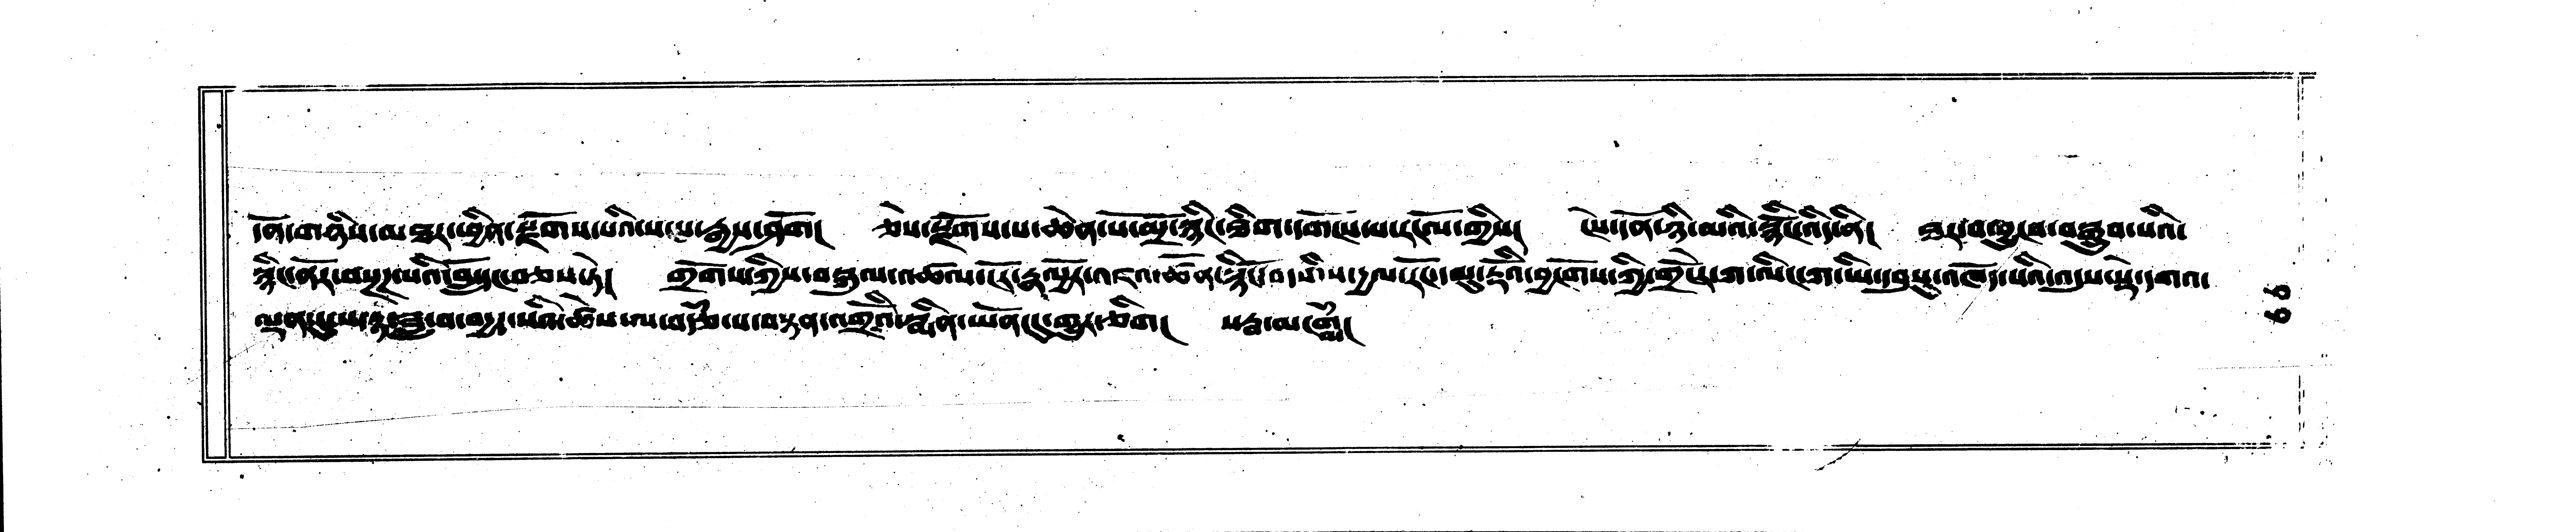དོན་གཉིས་མཐར་ཕྱིན་རྫོགས་པའི་སངས་རྒྱས་ཤོག །ཅེས་རྫོགས་པ་ཆེན་པོ་མཁའ་འགྲོ་སྙིང་ཐིག་གི་དགོངས་པ་རང་གྲོལ་གྱིས།ངེས་དོན་ཉི་མའི་སྙིང་པོ་འདི་ནི།ཐར་པ་བྱང་ཆུབ་བསྒྲུབ་པའི་
སྙིང་ནོར་བསྔགས་པའི་བློ་དང་བཅས་ཏེ། གྲོགས་ཀྱིས་བསྐུལ་འཚལ་ངོར་རྣལ་འབྱོར་འཇའ་ཚོན་སྙིང་པོ་བདག་གིས་རྒྱལ་རོང་དམུ་རྡོའི་བྱང་ཕྱོགས་ཀྱི་གྲོང་ཁྱེར་ཀ་ལིང་ཀ་ཡི་དབུས་སུ་འཁོད་པའི་འདུས་སྡེ་དགའ་
ལྡན་དུ་ས་རྟ་ཟླ་བ་བརྒྱད་པའི་ཚེས་ལ་བརྩམས་པ་བསྟན་འགྲོའི་སྨིན་ཡོན་དུ་གྱུར་ཅིག། །།སརྦ་མངྒ་ལམ། །